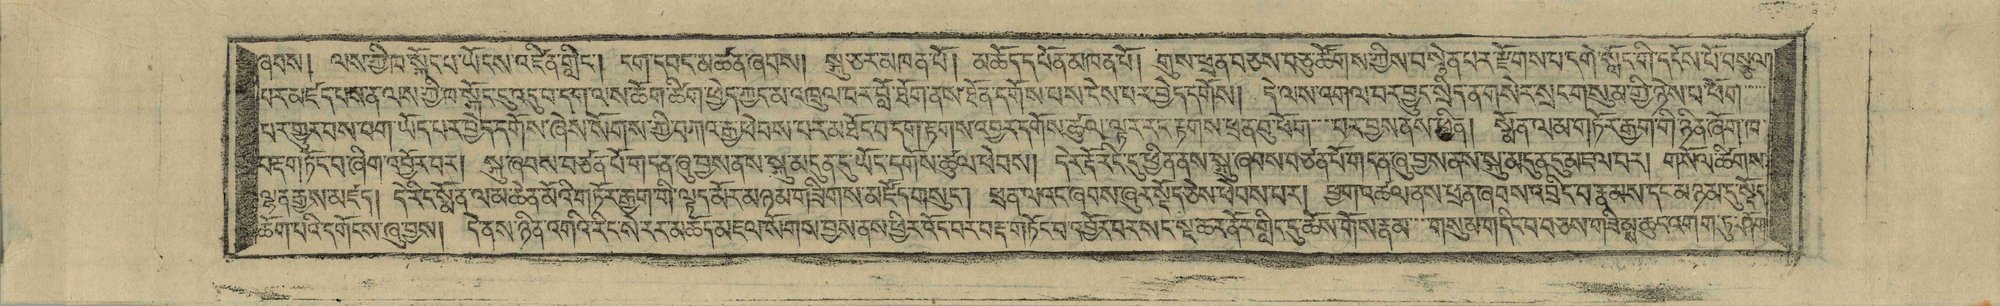ཞབས། ལས་ཀྱི་ཁ་སྐོང་པ་ཡོངས་འཛིན་གླིང་། ངག་དབང་མཚན་ཞབས། སྐུ་ཅར་མཁན་པོ། མཆོད་དཔོན་མཁན་པོ། གུས་ཕྲན་བཅས་བཅུ་ཚོགས་ཀྱིས་བསྙེན་པར་རྫོགས་པ་དགེ་སློང་གི་དངོས་པོ་བསྩལ་
པར་མཛད་པས་ན་ལས་ཀྱི་ཁ་སྐོང་དུ་འདུ་བ་དག་ལས་ཆོག་ཚིག་ཕྱེད་ཀྱང་མ་འཁྲུལ་བར་བློ་ཐོག་ནས་ཐོན་དགོས་པས་ངེས་པར་བྱེད་དགོས། དེ་ལས་འགལ་བར་བྱུང་སྲིད་ན་གསེར་སྲང་གསུམ་གྱི་ཉེས་པ་ཕོག་
པར་གྱུར་བས་བག་ཡོད་པར་བྱེད་དགོས་ཞེས་སོགས་ཀྱི་བཀའ་རྒྱ་ཕེབས་པར་མཐོང་བ་དག་རྟགས་འབྱར་དགོས་ཚུལ་ལྟར་རང་རྟགས་ཕྲན་བུ་ཕོག་པར་བྱས་ནས་ཕྱིན། སྨོན་ལམ་གཏོར་རྒྱག་གི་ཉིན་ཞོག་ཁ་
བརྡ་གཏོང་བ་ཞིག་འབྱོར་བར། སྐུ་ཞབས་བཙན་པོ་གདན་ཞུ་བྱས་ནས་སྐུ་མདུན་དུ་ཡོང་དགོས་ཚུལ་ཕེབས། དེར་རྡོ་རིང་དུ་ཕྱིན་ནས་སྐུ་ཞབས་བཙན་པོ་གདན་ཞུ་བྱས་ནས་སྐུ་མདུན་དུ་མཇལ་བར། གསོལ་ཚིགས་
ལྷན་རྒྱས་མཛད། དེ་རིང་སྨོན་ལམ་ཆེན་མོའི་གཏོར་རྒྱག་གི་ལྟད་མོར་མཉམ་གཟིགས་མཛོད་གསུང་། ཕྲན་ལའང་ཞབས་ཞུར་སྡོད་ཅེས་ཕེབས་པར། ཕྱག་འཚལ་ནས་ཕྲན་ཞབས་འབྲིང་བ་རྣམས་དང་མཉམ་དུ་སྡོད་
ཆོག་པའི་དགོངས་ཞུ་བྱས། དེ་ནས་ཉིན་འགའི་རིང་སེ་རར་མཆོད་མཇལ་སོགས་བྱས་ནས་ཕྱིར་འོང་བར་བརྡ་གཏོང་བ་འབྱོར་བར་སང་སྔ་ཆར་ནོར་གླིང་དུ་ཆོས་གོས་རྣམ་གསུམ་གདིང་བ་བཅས་གཟིམས་ཆུང་འགག་ཏུ་ཤོག་